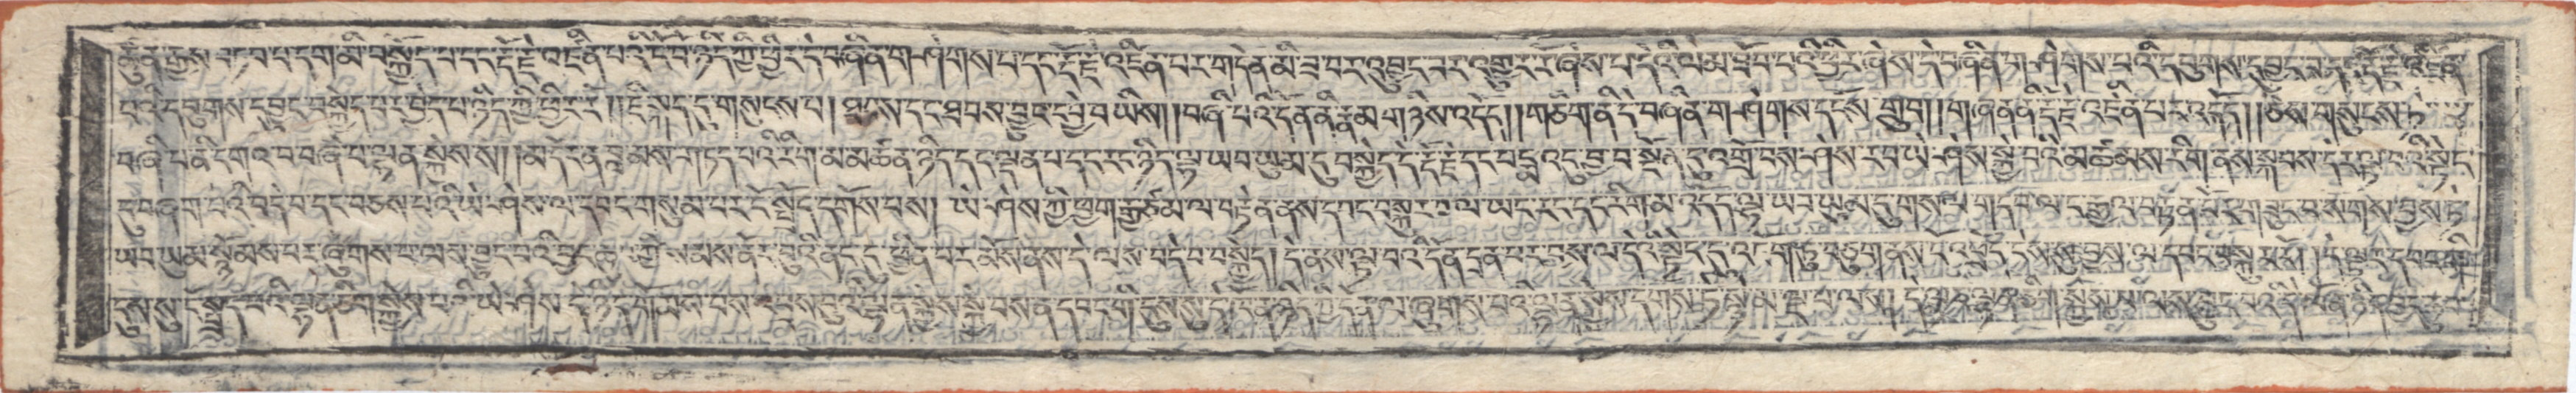ཚུན་རྒྱས་བཏབ་པ་དག་མི་བསྐྱོད་པ་དང་རྡོ་རྗེ་འཛིན་པའི་ངོ་བོ་ཉིད་ཀྱི་ཕྱིར་དེ་བཞིན་གཤེགས་པ་དང་རྡོ་རྗེ་འཛིན་པར་གདོན་མི་ཟ་བར་འབྱུང་བར་འགྱུར་རོ་ཞེས་པ་དེའི་ལམ་ཐོབ་པའི་ཕྱིར་ཞེས་དེ་བཞིན་གཤེགས་པའི་དབུགས་དབྱུང་བ་དང་རྡོ་རྗེ་འཛིན་
པའི་དབུགས་དབྱུང་བསྐྱེད་པར་བྱེད་པ་ཉིད་ཀྱི་ཕྱིར་རོ། །ཇི་སྐད་དུ་གསུངས་པ། ཐབས་དང་ཐབས་བྱུང་དབྱེ་བ་ཡིས། །བཞི་པའི་དོན་ནི་རྣམ་གཉིས་འདོད། །གཅིག་ནི་དེ་བཞིན་གཤེགས་དངོས་གྲུབ། །གཞན་ནི་རྡོ་རྗེ་འཛིན་པར་འདོད། །ཅེས་གསུངས་ཏེ་
བཞི་པ་ནི་དགའ་བ་བཞི་པ་ལྷན་སྐྱེས་སོ། །མདོར་ན་བླ་མས་གཏད་པའི་རིག་མ་མཚན་ཉིད་དང་ལྡན་པ་དང་རང་ཉིད་ལྷ་ཡབ་ཡུམ་དུ་བསྐྱེད་དེ་རྡོ་རྗེ་དང་པདམ་འདུ་བྱ་བ་སྔོན་དུ་འགྲོ་བས་ཤེས་རབ་ཡེ་ཤེས་སྐྱེ་བའི་མཚམས་རིག་ནས་སྐབས་དེར་ལྟ་བའི་སྟེང་
དུ་བཞག་པའི་བདེ་བ་དང་བཅས་པའི་ཡེ་ཤེས་ལ་དབང་གསུམ་པར་ངོ་སྤྲོད་དགོས་པས། ཡེ་ཤེས་ཀྱི་ཕྱག་རྒྱ་ཙམ་ལ་བརྟེན་ནས་དབང་བསྐུར་བ་ལ་ཡང་རང་དང་རིག་མ་འདོད་ལྷ་ཡབ་ཡུམ་དུ་གསལ་གདབ་ལ་ང་རྒྱལ་བརྟན་པོར་གཟུང་བ་སོགས་བྱས་
ཡབ་ཡུམ་སྙོམས་པར་ཞུགས་པ་ལས་བྱུང་བའི་བྱང་ཆུབ་ཀྱི་སེམས་ནོར་བུའི་ནང་དུ་ཕྱིན་པར་མོས་ནས་དེ་ལས་བདེ་བ་བསྐྱེད། དེ་ནས་ལྟ་བའི་དོན་དྲན་པར་བྱས་ལ་དེའི་སྟེང་དུ་འཇོག་ཏུ་བཅུག་ནས་ངོ་འཕྲོད་ངེས་སུ་བྱས་ལ་དབང་བསྐུར་རོ། །དེ་ལྟར་དབང་
དུས་སུ་ངོ་སྤྲད་པའི་ལྷན་ཅིག་སྐྱེས་པའི་ཡེ་ཤེས་དེ་ཉིད་གོམས་པས་འབྲས་བུའི་ལྷན་སྐྱེས་སྐྱེ་བས་ན་དབང་གི་དུས་སུ་དེ་ཁོ་ན་ཉིད་ཀྱི་དོན་ལ་ཞུགས་པའི་ལྷན་སྐྱེས་དགོས་ཏེ་སྙེ་མ་ལྔ་པ་ལས། དེ་ལྟར་ལྷན་ཅིག་སྐྱེས་པ་ལས་བྱུང་བའི་དེ་ཁོ་ན་ཉིད་བྱང་ཆུབ་